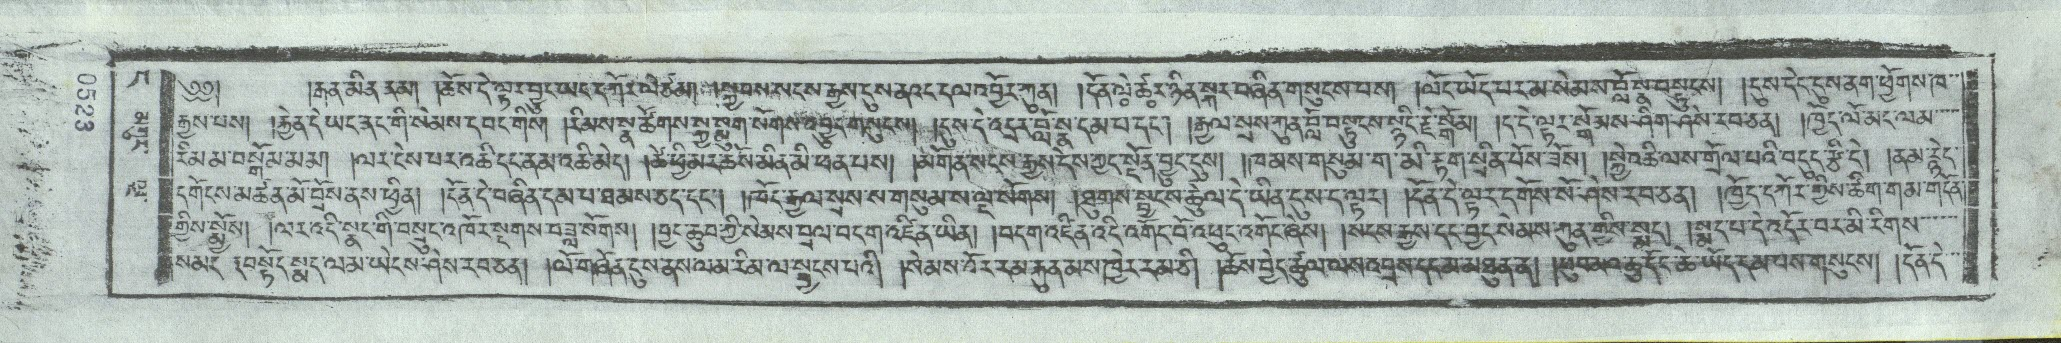༄༅། །རྒན་མིན་ནམ། །ཆོས་དེ་ལྟར་བྱུང་ཡང་དཀོར་ལེ་ཙམ། །སྐྱབས་སངས་རྒྱས་དུས་ནའང་དལ་འབྱོར་ཀུན། །དོན་ལེ་ཚར་ཉིན་སྐར་བཞིན་གསུངས་པས། །ལོང་ཡོད་པར་མ་སེམས་བློ་སྣ་བསྟུངས། །དུས་དེར་དུས་ནག་ཕྱོགས་ཁ་
རྒྱས་པས། །རྐྱེན་དེ་ཡང་ནང་གི་སེམས་དབང་གིས། །རིམས་སྣ་ཚོགས་སྐྱ་སྨུག་སོགས་འབྱུང་གསུངས། །དུས་དེ་འདྲར་བློ་སྣ་དམ་པ་དང་། །རྒྱལ་སྲས་ཀུན་བློ་བཏུངས་སྙིང་རྗེ་སྒོམ། །ད་དེ་ལྟར་སྒོམས་ཤིག་ཤེས་རབ་ཅན། །ཁྱོད་ལོ་མང་ལམ་
རིམ་མ་བསྒོམ་མམ། །ལར་ངེས་པར་འཆི་དང་ནམ་འཆི་མེད། །ཚེ་ཕྱི་མར་ཆོས་མིན་མི་ཕན་པས། །མགོན་སངས་རྒྱས་དེས་ཀྱང་སྔོན་བྱུང་དུས། །ཁམས་གསུམ་ག་མི་རྟག་སྲིན་པོས་ཟོས། །སྐྱེ་འཆི་ལས་གྲོལ་པའི་བདུད་རྩི་དེ། །ནམ་རྙེད་
དགོངས་མཚན་མོ་བྲོས་ནས་ཕྱིན། །དོན་དེ་བཞིན་དམ་པ་ཐམས་ཅད་དང་། །ཁོང་རྒྱལ་སྲས་ས་གསུམ་ས་ལྔ་སོགས། །ཐུགས་སྦྱངས་ཚུལ་དེ་ཡིན་དུས་ད་ལྟར། །དོན་དེ་ལྟར་དགོས་སོ་ཤེས་རབ་ཅན། །ཁྱོད་དཀོར་གྱིས་ཚིག་གམ་གདོན་
གྱིས་སྨྱོས། །ལར་འདི་སྣང་གི་བསྲུང་འཁོར་སྔགས་བཟླ་སོགས། །བྱང་ཆུབ་ཀྱི་སེམས་བྲལ་བདག་འཛིན་ཡིན། །བདག་འཛིན་འདི་འགོང་བོ་འཕུང་འགོང་ཞེས། །སངས་རྒྱས་དང་བྱང་སེམས་ཀུན་གྱིས་སྨད། །སྨད་པ་དེ་འདོར་བར་མི་རིགས་
སམ༑ ༑བསྟོད་སྨད་ལམ་ཡེངས་ཤེས་རབ་ཅན། །ལོ་གཞོན་དུས་ནས་ལམ་རིམ་ལ་སྦྱངས་པའི། །སེམས་འོར་རམ་རྐུན་མས་ཁྱེར་རམ་ཅི། །ཆོས་བྱེད་ཚུལ་ལས་འབྲས་དང་མ་མཐུན་ན། །ཕུབ་མ་འཆུ་དོང་ཆེ་ཡོད་དམ་པས་གསུངས། །དོན་དེ་